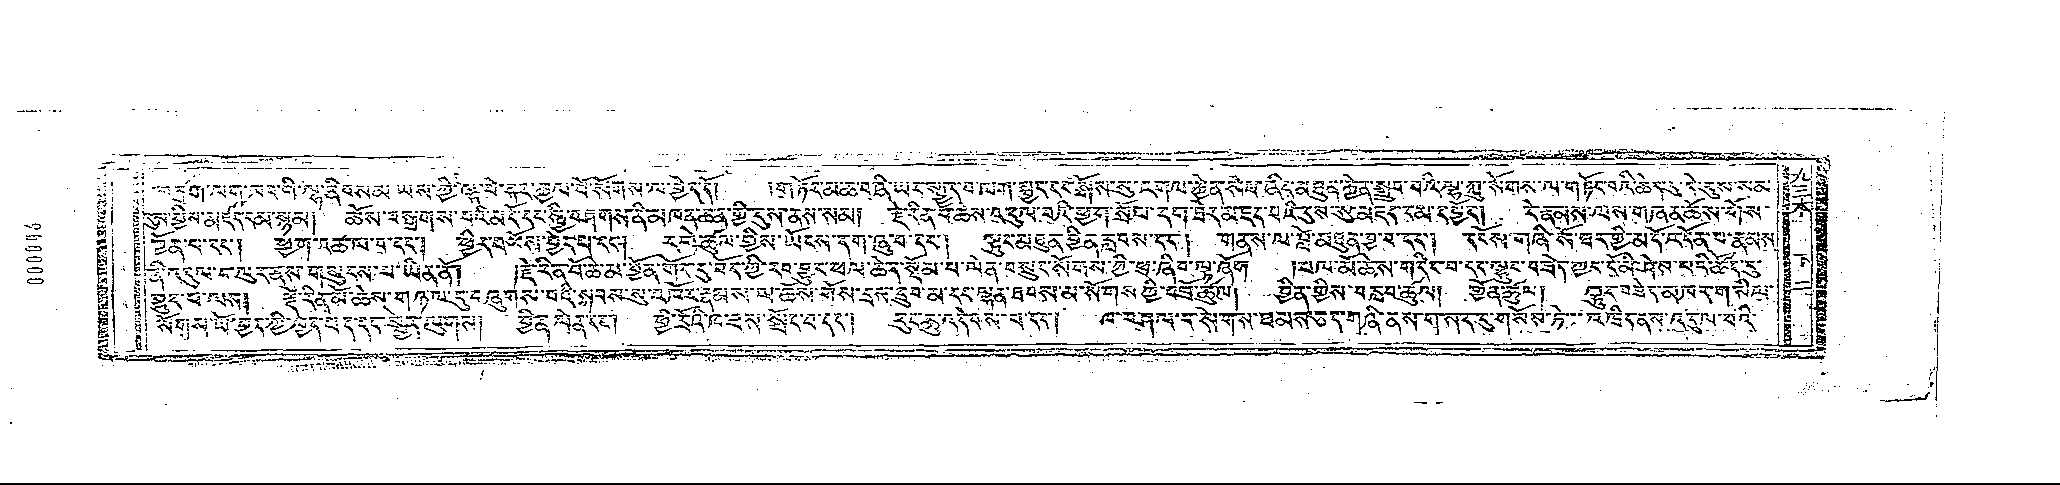གཙུག་ལག་ཁང་གི་ལྷ་ནི་བསམ་ཡས་ཀྱི་ལྷ་པེ་ཧར་རྒྱལ་པོ་སོགས་ལ་བྱེད་དེ། །གཏོར་མ་ཆ་བཞི་ཡང་སྤྱིར་བསག་སྦྱད་དང་སྒོས་སུ་འགལ་རྐྱེན་སེལ་ཞིང་མཐུན་རྐྱེན་སྒྲུབ་པའི་ལྷ་ཀླུ་སོགས་ལ་གཏོང་བའི་ཆེད་དུ་དེ་དུས་སམ་
དུས་ཕྱིས་མཛད་དམ་སྙམ། ཆོས་བསྒྲགས་པའི་མདོ་དང་སྤྱི་བཤགས་ནི་མཁན་ཆེན་གྱི་དུས་ནས་སམ། རྗེ་རིན་པོ་ཆེས་འདུལ་བའི་ཕྱག་སྲོལ་དག་ཐེར་མཛད་པའི་དུས་སུ་མཛད་དམ་དཔྱོད། དེ་རྣམས་ལས་གཞན་ཆོས་གོས་
གྱོན་པ་དང་། ཕྱག་འཚལ་བ་དང་། ཕྱིར་བཅོས་བྱེད་པ་དང་། དགེ་ཚུལ་གྱིས་ཡོངས་དག་ཞུ་བ་དང་། ལྟུང་མཐུན་བྱིན་རླབས་དང་། གནས་ལ་བློ་མཐུན་བྱ་བ་དང་། དངོས་གཞི་སོ་ཐར་གྱི་མདོ་འདོན་པ་རྣམས་
ནི་འདུལ་བ་ལུང་ནས་གསུངས་པ་ཡིན་ནོ། །རྗེ་རིན་པོ་ཆེ་མ་བྱོན་གོང་དུ་བོད་ཀྱི་རབ་བྱུང་ཕལ་ཆེར་སྡོམ་པ་ལེན་བསྲུང་སོགས་ཀྱི་ཕྲ་ཞིབ་ལྟ་ཞོག །ཕལ་མོ་ཆེས་གདིང་པ་དང་ལྷུང་བཟེད་ཀྱང་དོ་མི་ཤེས་པའི་ཚོད་དུ་
གྱུར་བ་ལས། རྗེ་རིན་པོ་ཆེས་གཉལ་དུ་བཞུགས་པའི་སྐབས་སུ་འཁོར་རྣམས་ལ་ཆོས་གོས་དྲས་དྲུབ་མ་དང་ལྷན་ཟབས་མ་སོགས་ཀྱི་བཟོ་ཚུལ། བྱིན་གྱིས་བརླབ་ཚུལ། གྱོན་ཚུལ། ལྷུང་བཟེད་མཁར་གསིལ་
སོག་ཡོ་བྱད་ཀྱི་ཁྱད་པར་དང་སྦྱོད་ལུགས། །ཕྱིན་ལེན་དང་། ཕྱི་དྲོའི་ཁ་ཟས་སྤོང་བ་དང་། རུང་ཆུ་འདེབས་པ་དང་། ཁ་བཤལ་བ་སོགས་ཐམས་ཅད་བཞི་ནས་གསར་དུ་གསོས་ཏེ་འཁྲིད་ནས་འདུལ་བའི་